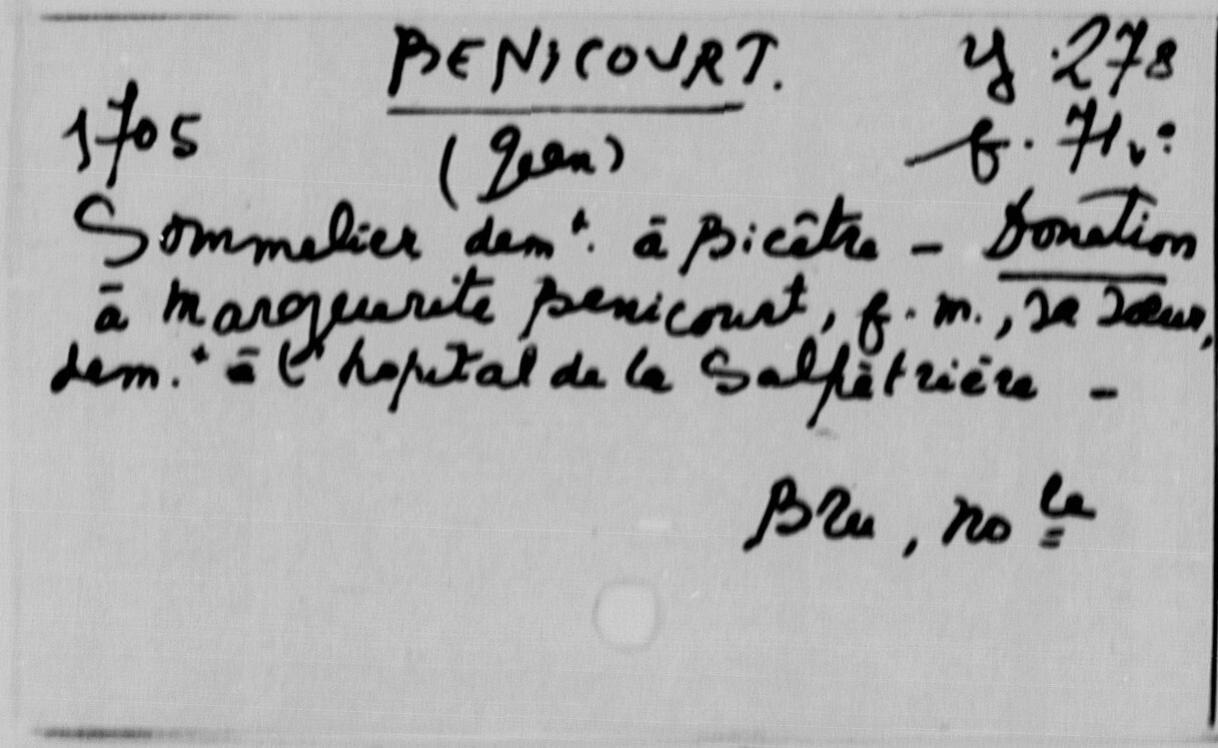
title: BENICOURT (Jean)
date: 1705
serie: Y
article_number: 278
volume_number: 71v
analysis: Sommelier demeurant à Bicêtre. Donation à Marguerite Benicourt, fille majeure, sa sœur, demeurant à l'hôpital de la Salpétrière. Bru, notaire.
